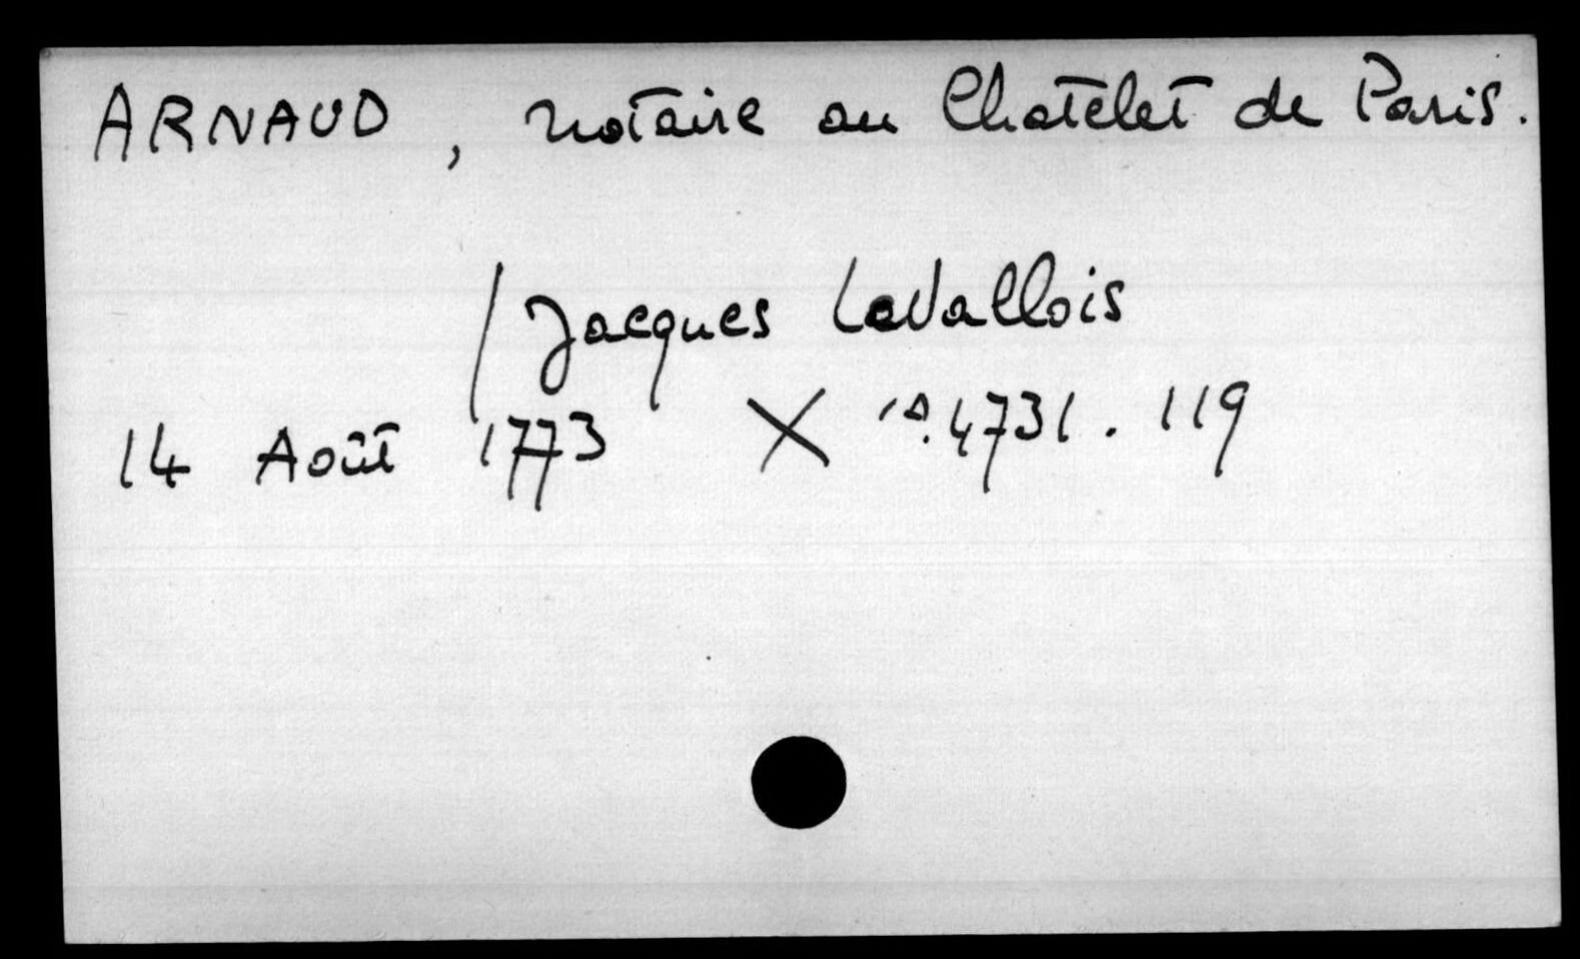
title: ARNAUD, notaire au Châtelet de Paris.
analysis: Contre Jacques Levallois
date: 14 août 1773
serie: X1a
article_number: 4731
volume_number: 119
